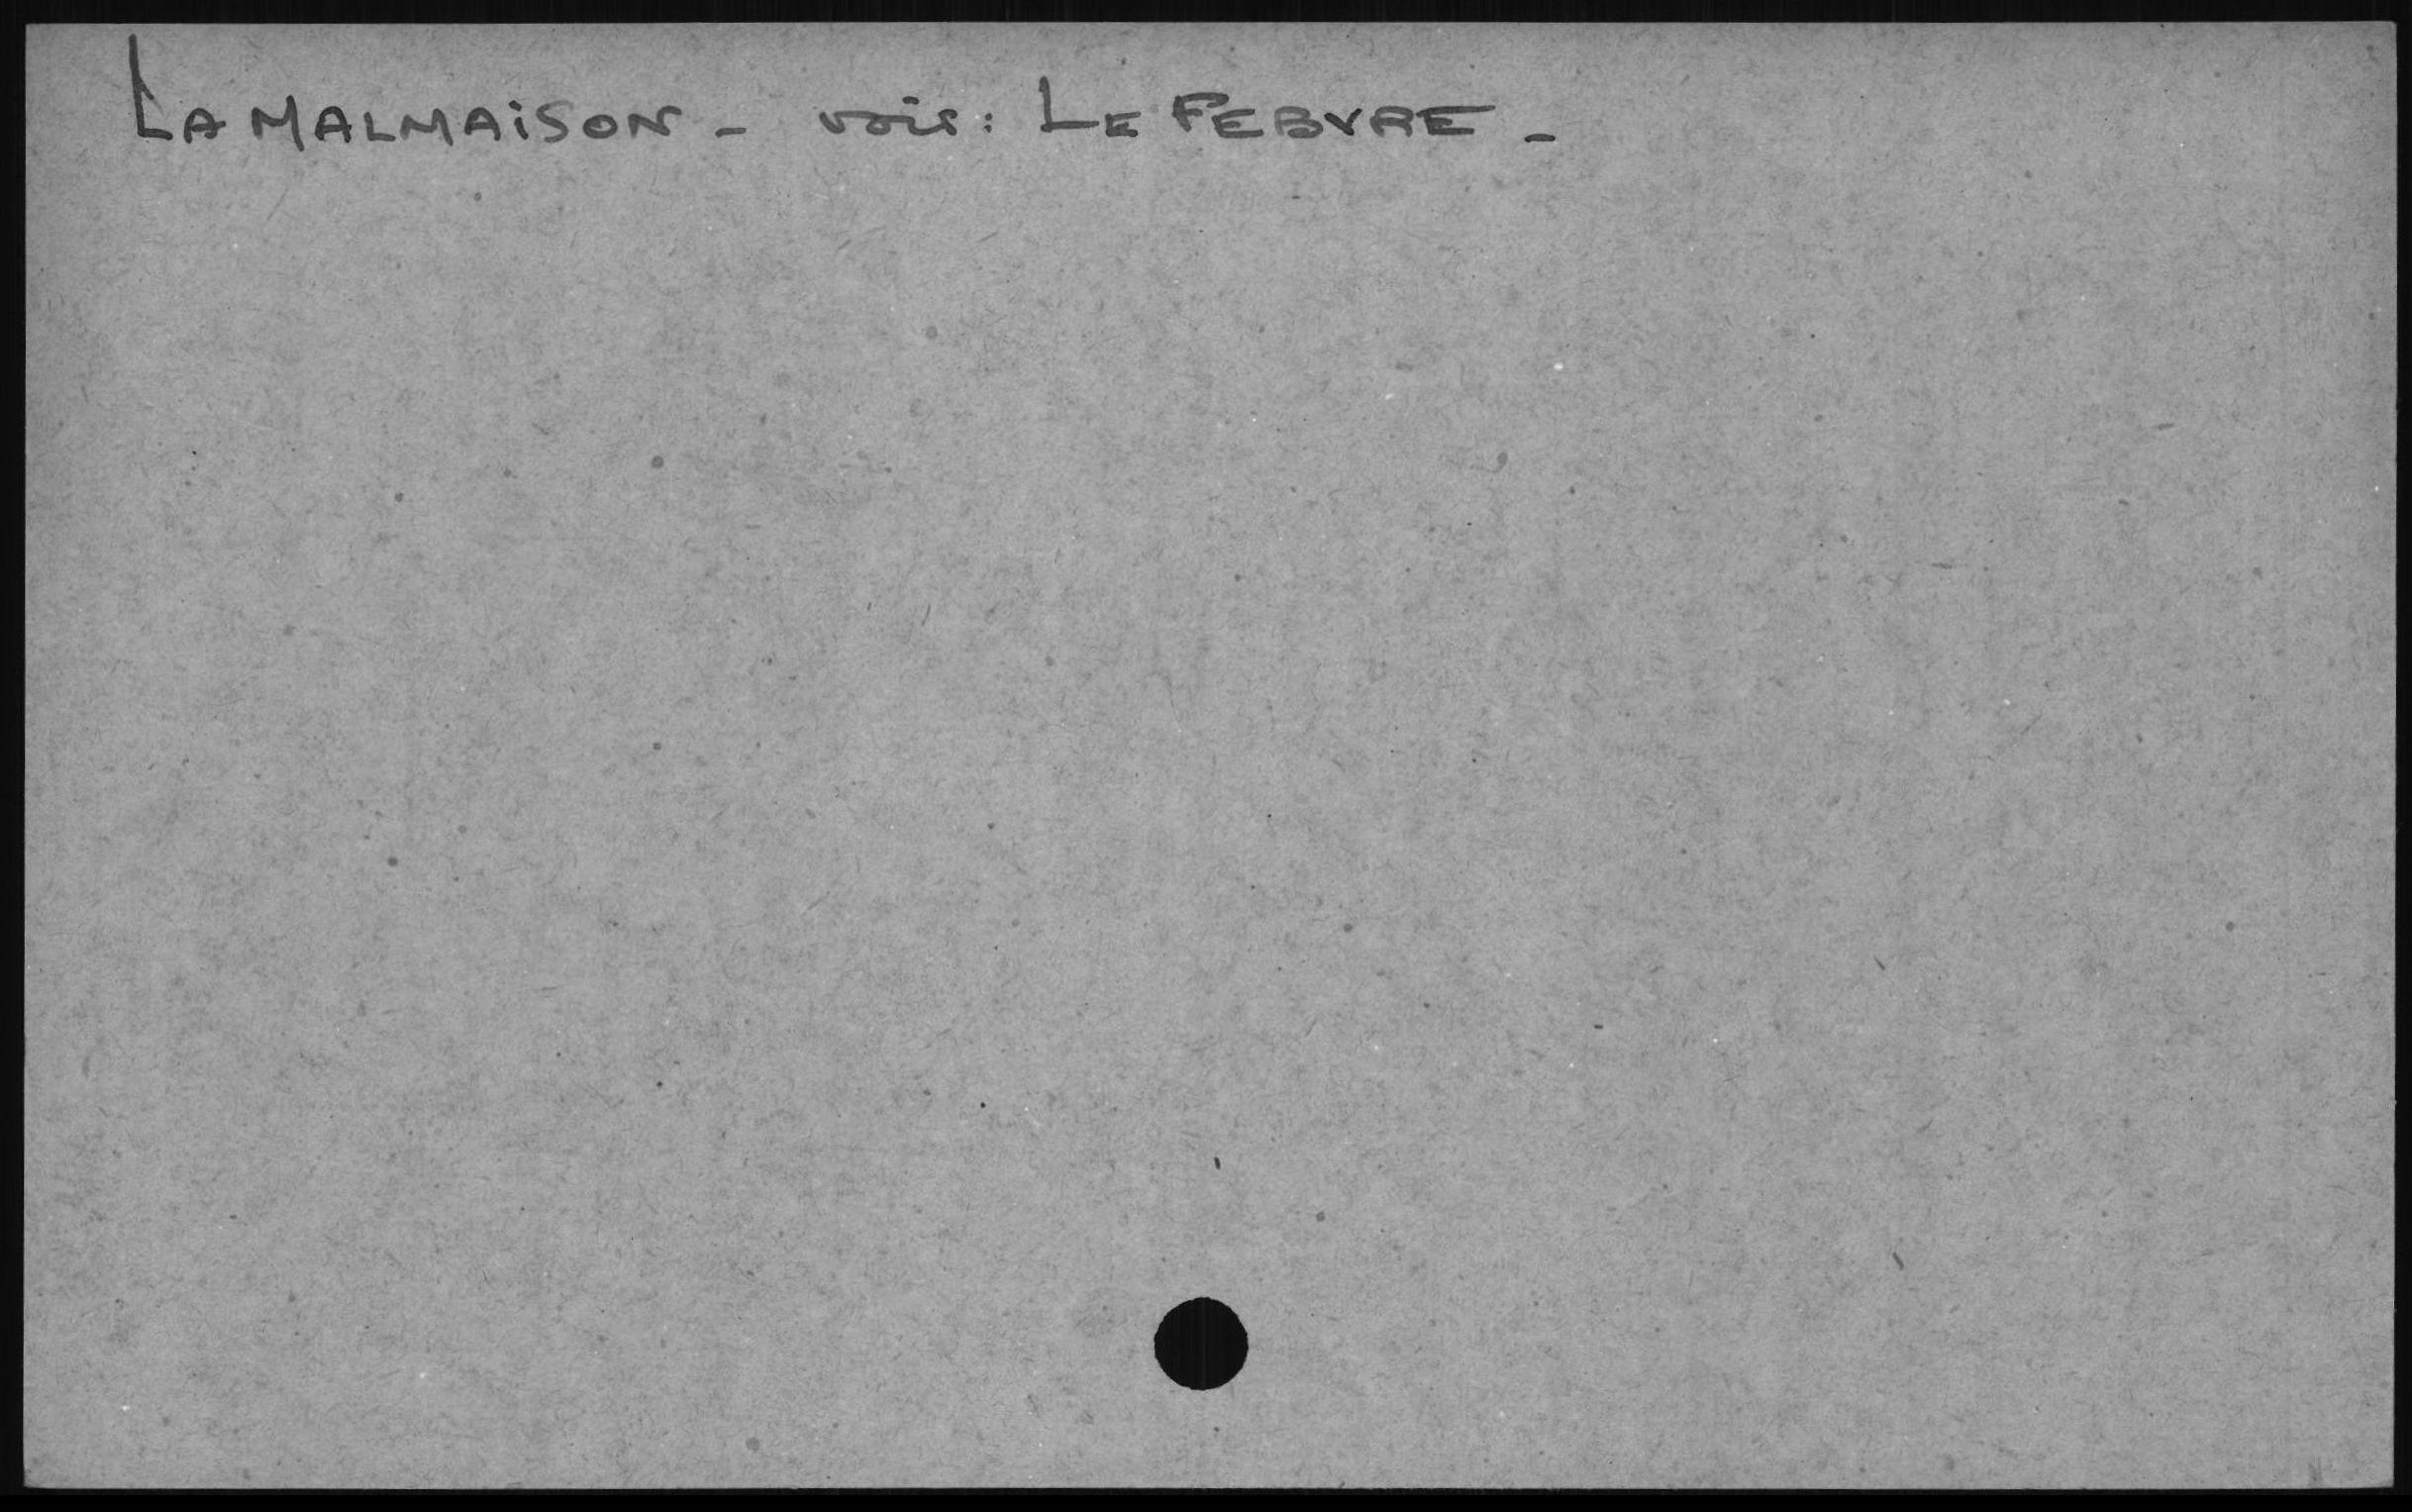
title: LA MALMAISON.
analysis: voir : LE FEBVRE
